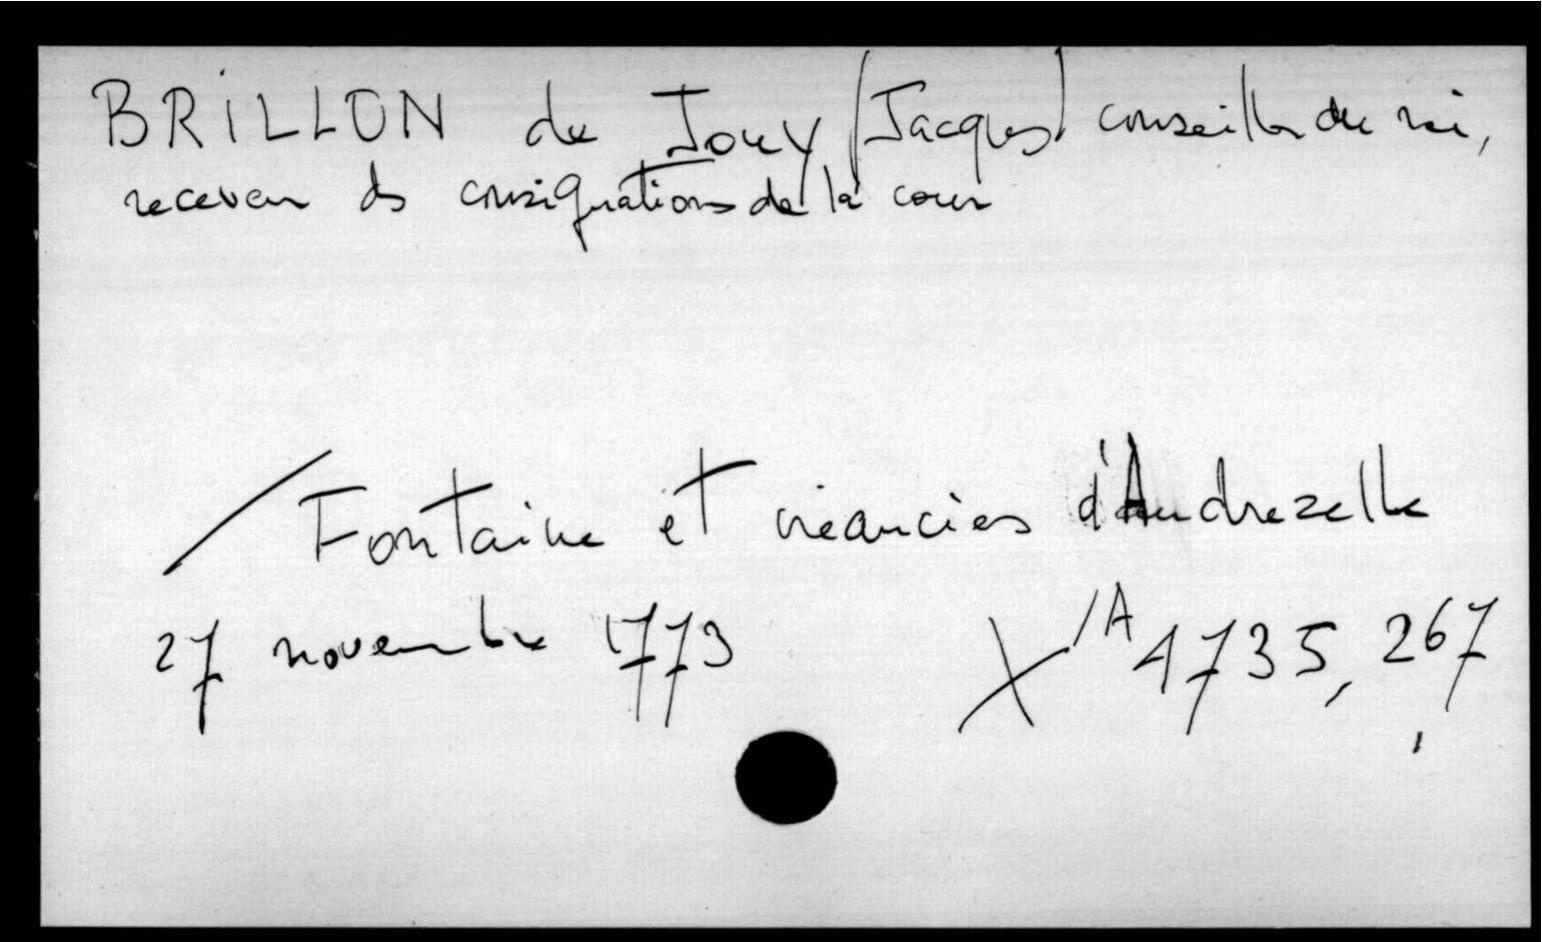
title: BRILLON de Jouy (Jacques) conseiller du roi, receveur des consignations de la cour
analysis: Contre Fontaine et créanciers d'Andrezelle
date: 27 novembre 1773
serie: X1A
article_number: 4735
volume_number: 267
